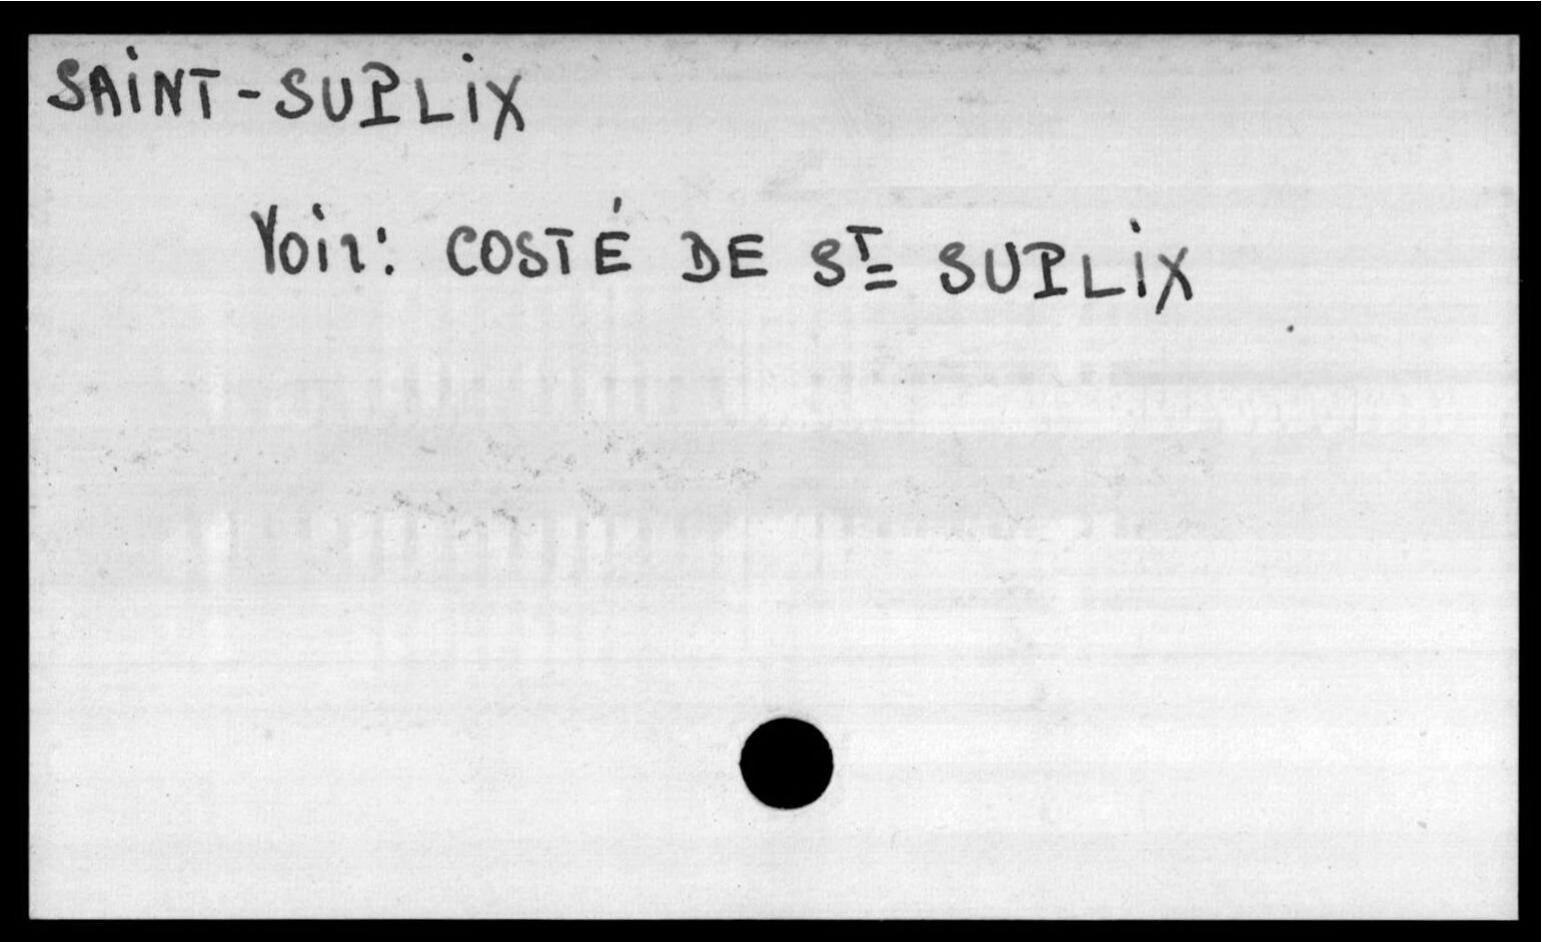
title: SAINT-SUPLIX
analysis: Voir : COSTÉ DE SAINT-SUPLIX
